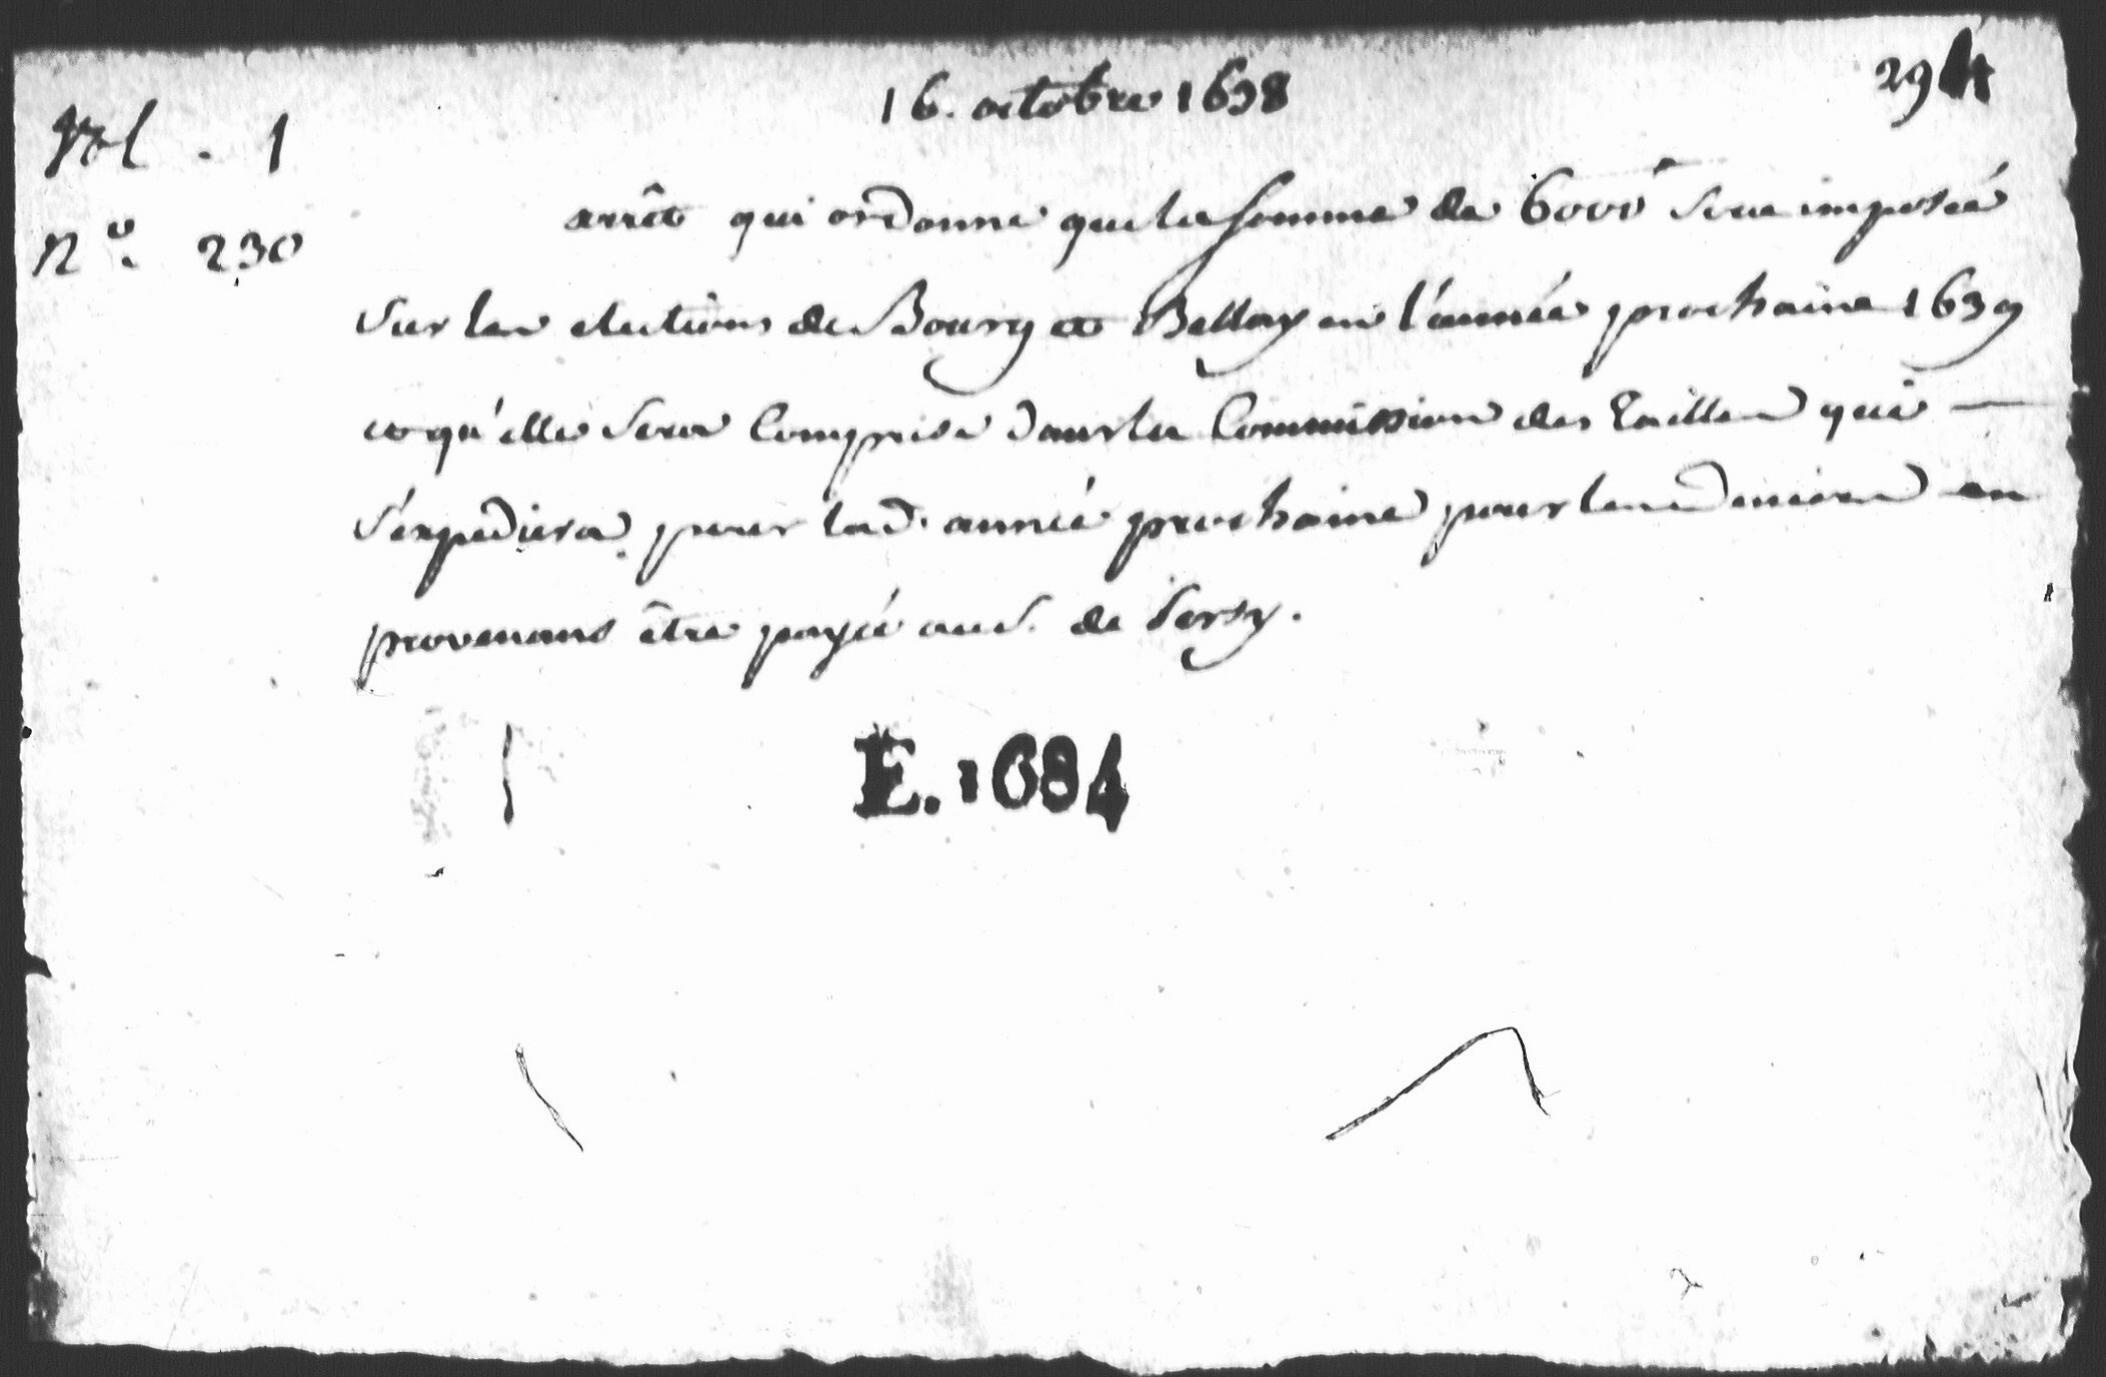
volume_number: n°230
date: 16 octobre 1638
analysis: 294
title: arrêt qui ordonne que la somme de 6000 # sera imposée sur les elections de Bourg et Bellay en l'année prochaine 1639 et qu'elle sera comprise dans la Commission des Tailles qui s'expediera pour lad. année prochaine pour les deniers en provenant être payée au S. de Persy.
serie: E
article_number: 1684
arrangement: vol. 1
